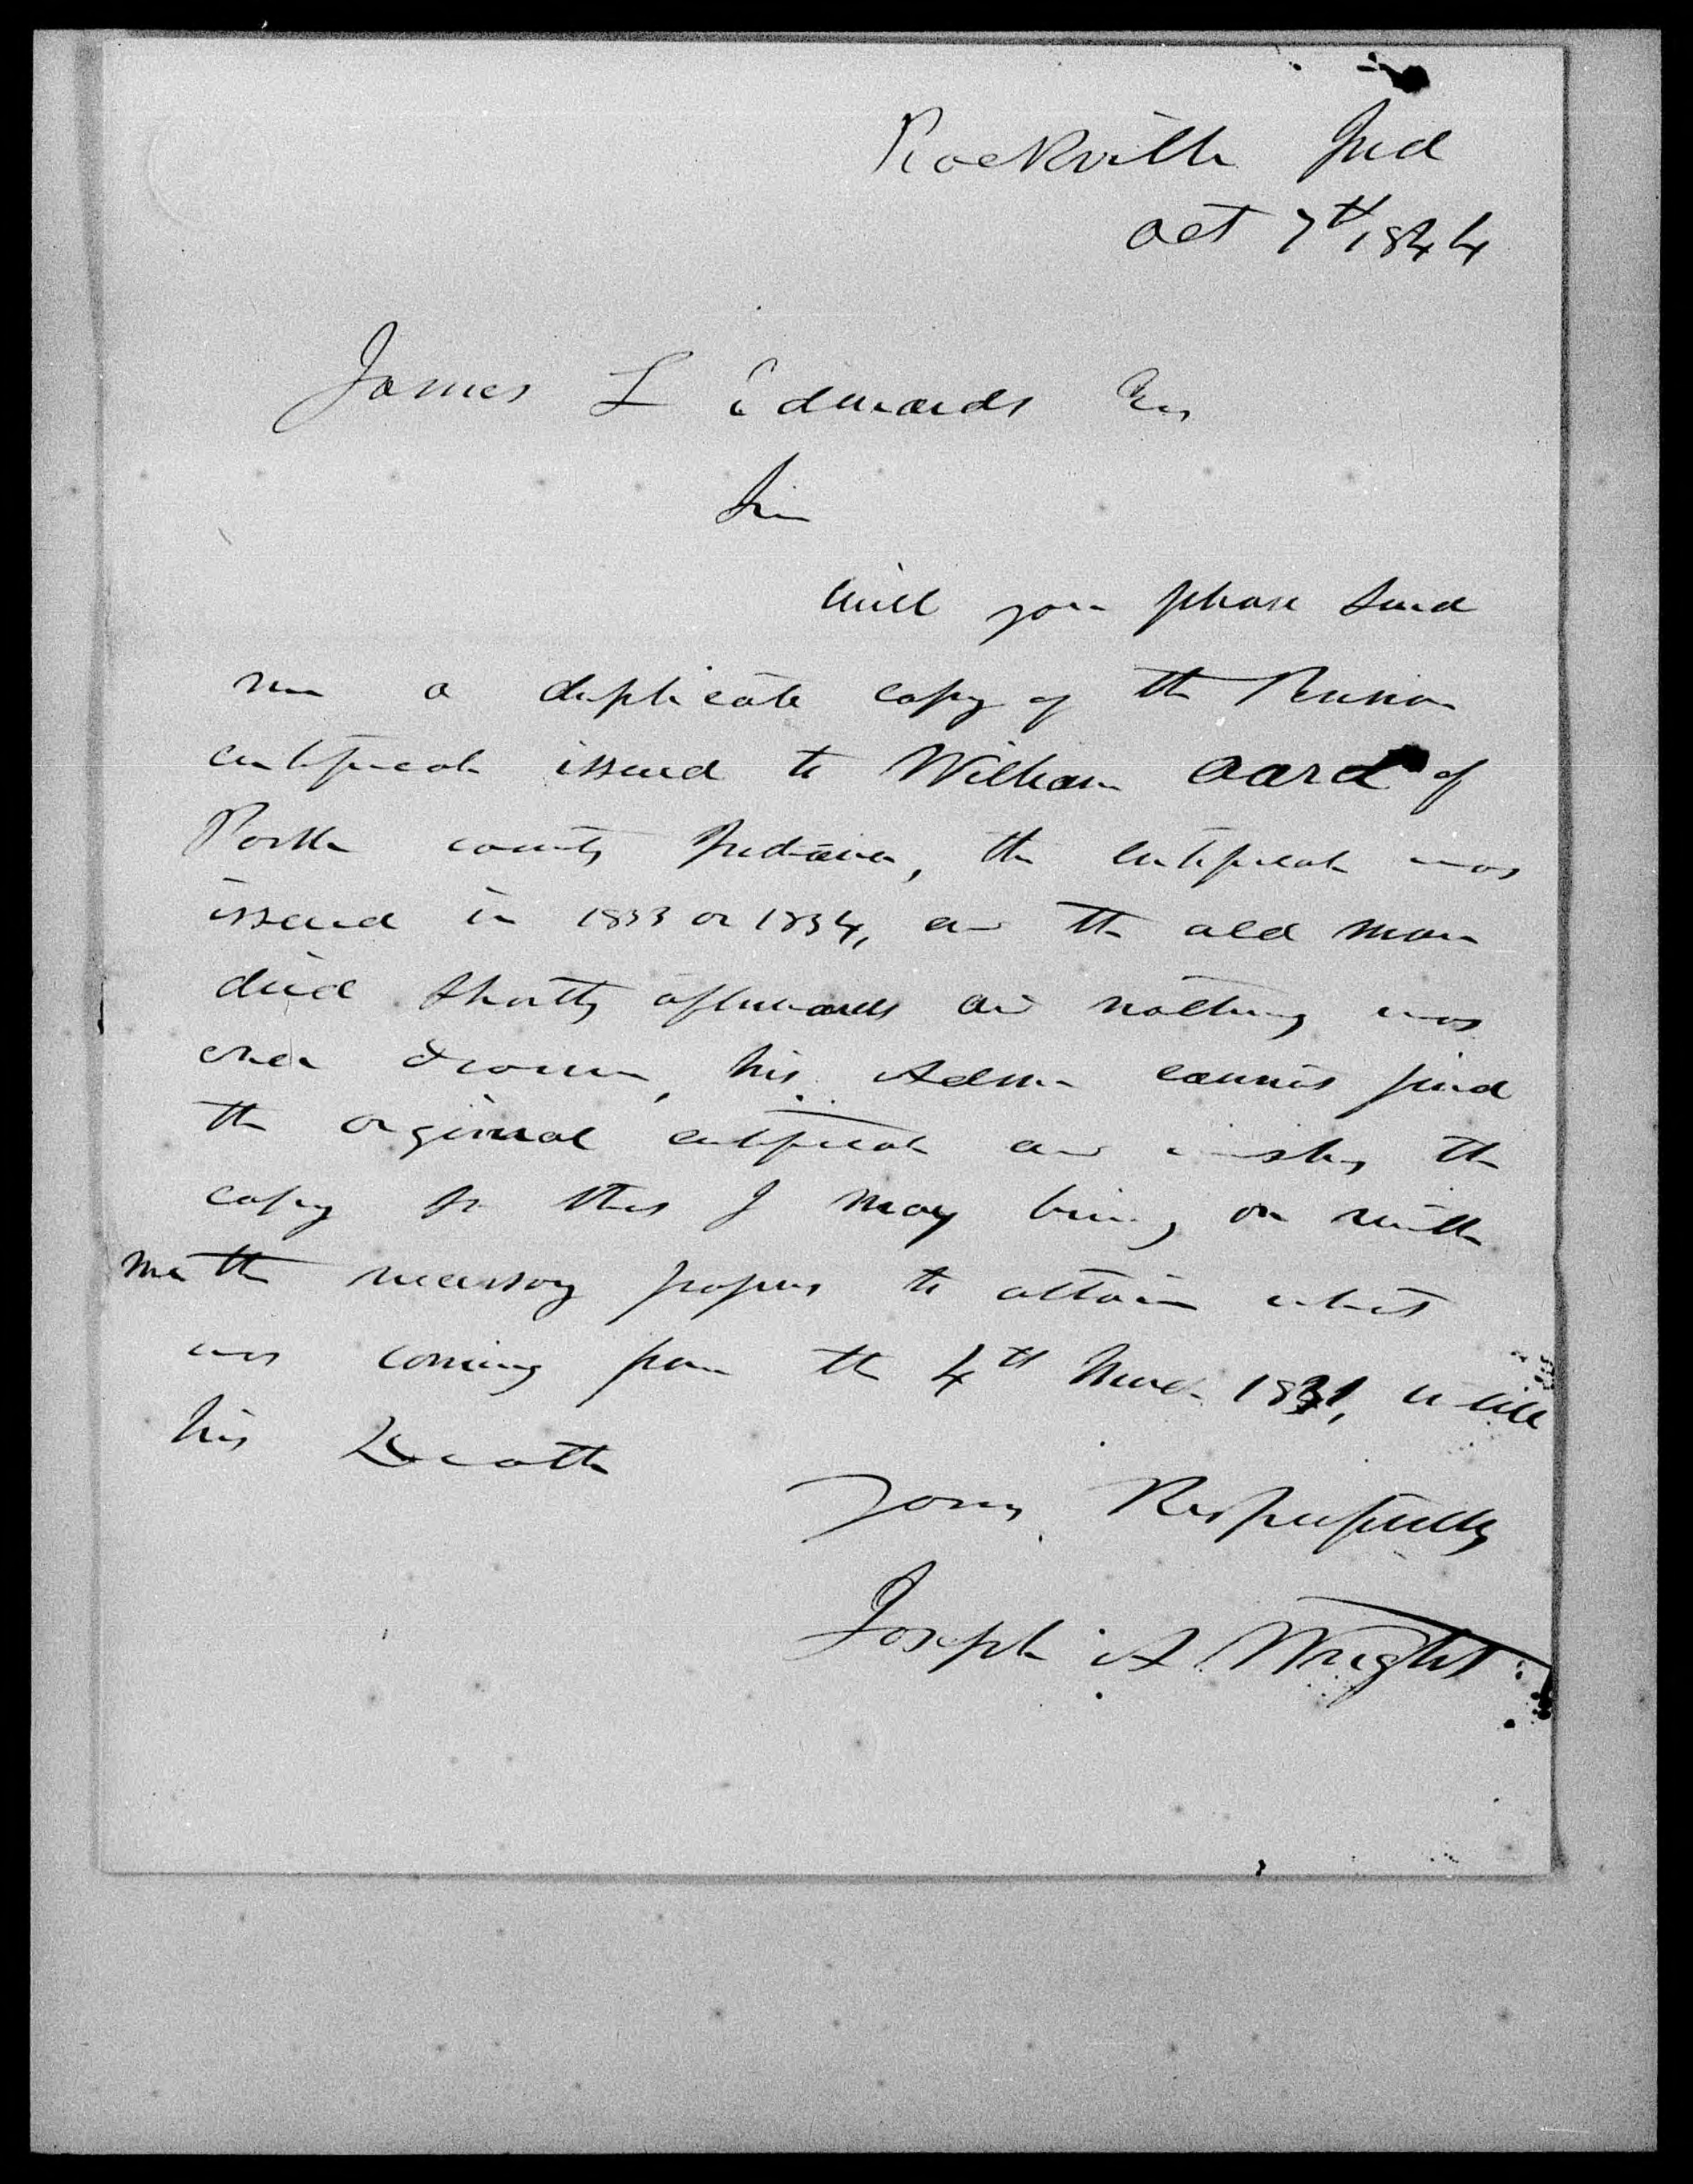Rockville, Ind
Oct 7th 1844

James L Edwards Esq

Sir

Will you please send me a duplicate copy of the Pension Certificate issued to William Oard of North County Indiana the certificate was issued in 1833 or 1834, as the old man died shorty afterwards and nothing was ever [illegible] his Adm earned paid the original certificate as [illegible] the copy for this I may bring on with me the necessary papers to attain what was coming from the 4th March 1831 until his death.

Yours respectfully

Joseph A Wright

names: James L Edwards; William Oard; Joseph A Wright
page: 5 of 18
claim: survivor's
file: S. 16,496, for William Oard, Maryland